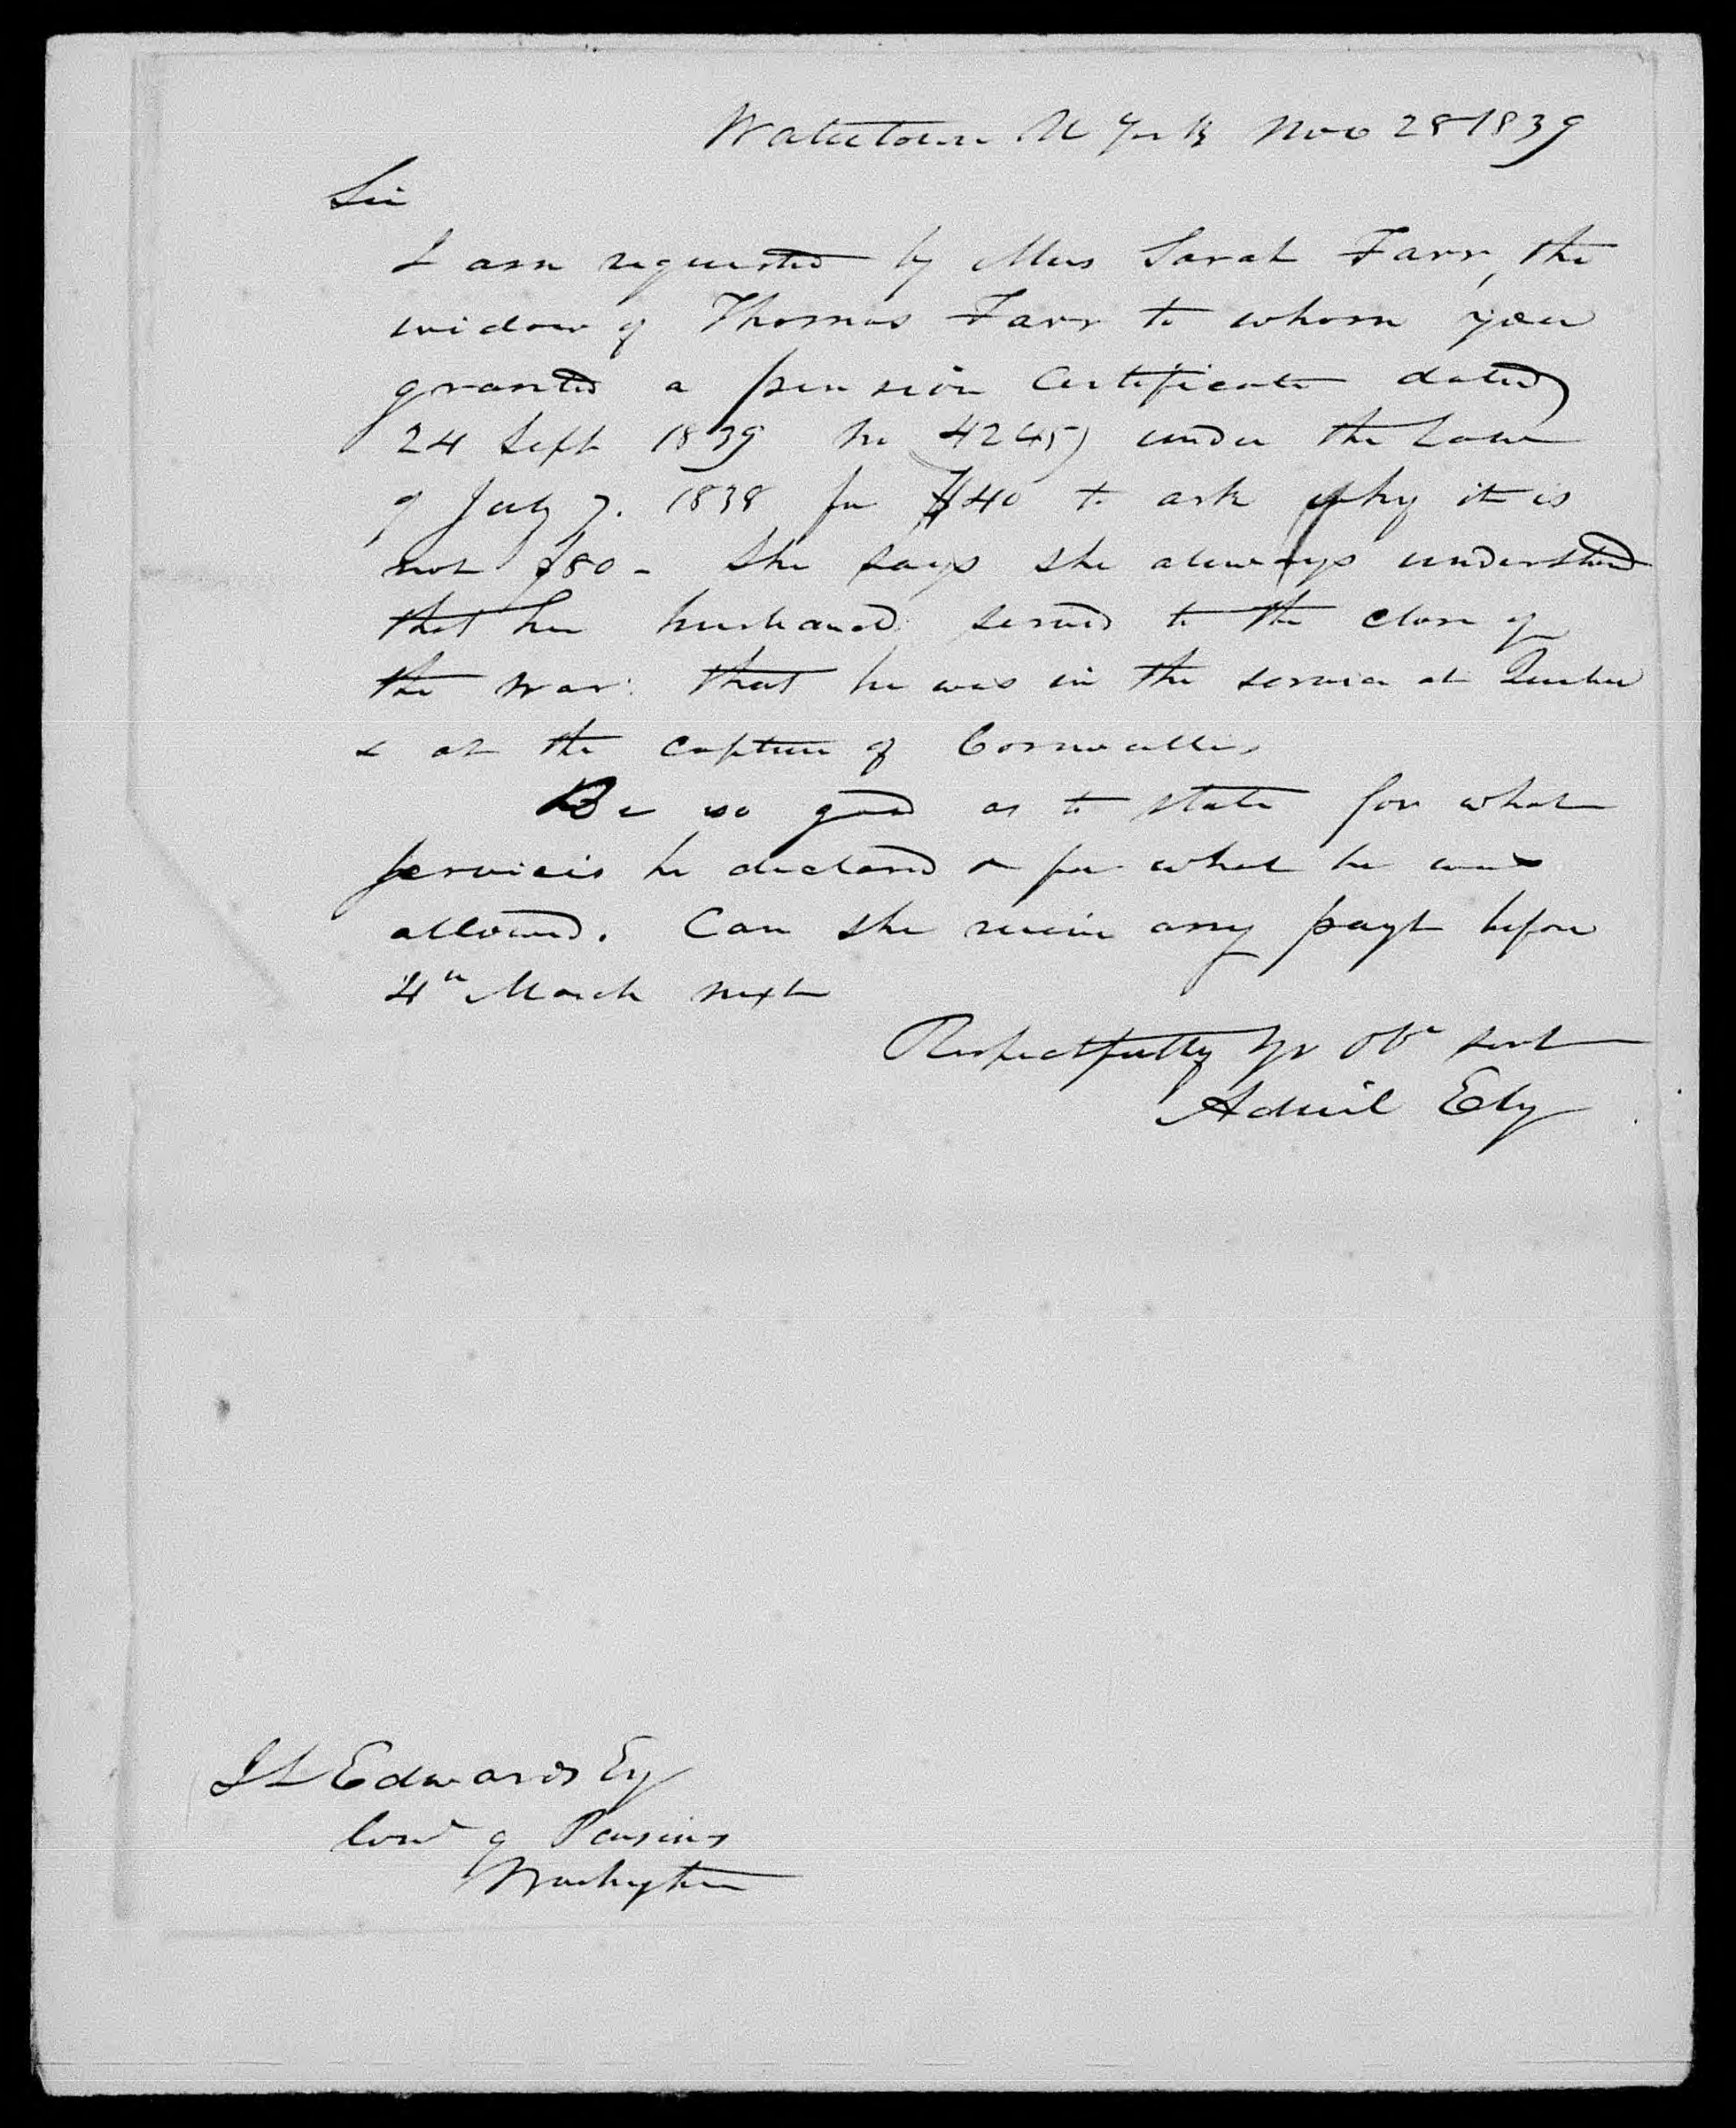Watertown N York Nov 28 1839
Sir
I am requested by Mrs Sarah Farr, the
widow of Thomas Farr to whom you
granted a pension certificate dated
24 Sept 1839 No 4245) under the law
of July 7. 1838 for $40 to ask why it is
not $80 - She says she always understand
that her husband served to the close of
the war: that he was in the service at Quebec
& at the capture of Cornwallis,
Be so good as to state for what
services he declared & for what he was
allowed. Can the receive any pay before
4th March next
Respectfully yr ob svt
Adriel Ely

JL Edwards Esq
Com of Pensions
Washington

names: J L Edwards, Sarah Farr, Adriel Ely, Thomas Farr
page: 34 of 46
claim: widow's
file: W. 23022, Thomas Farr, N.H.